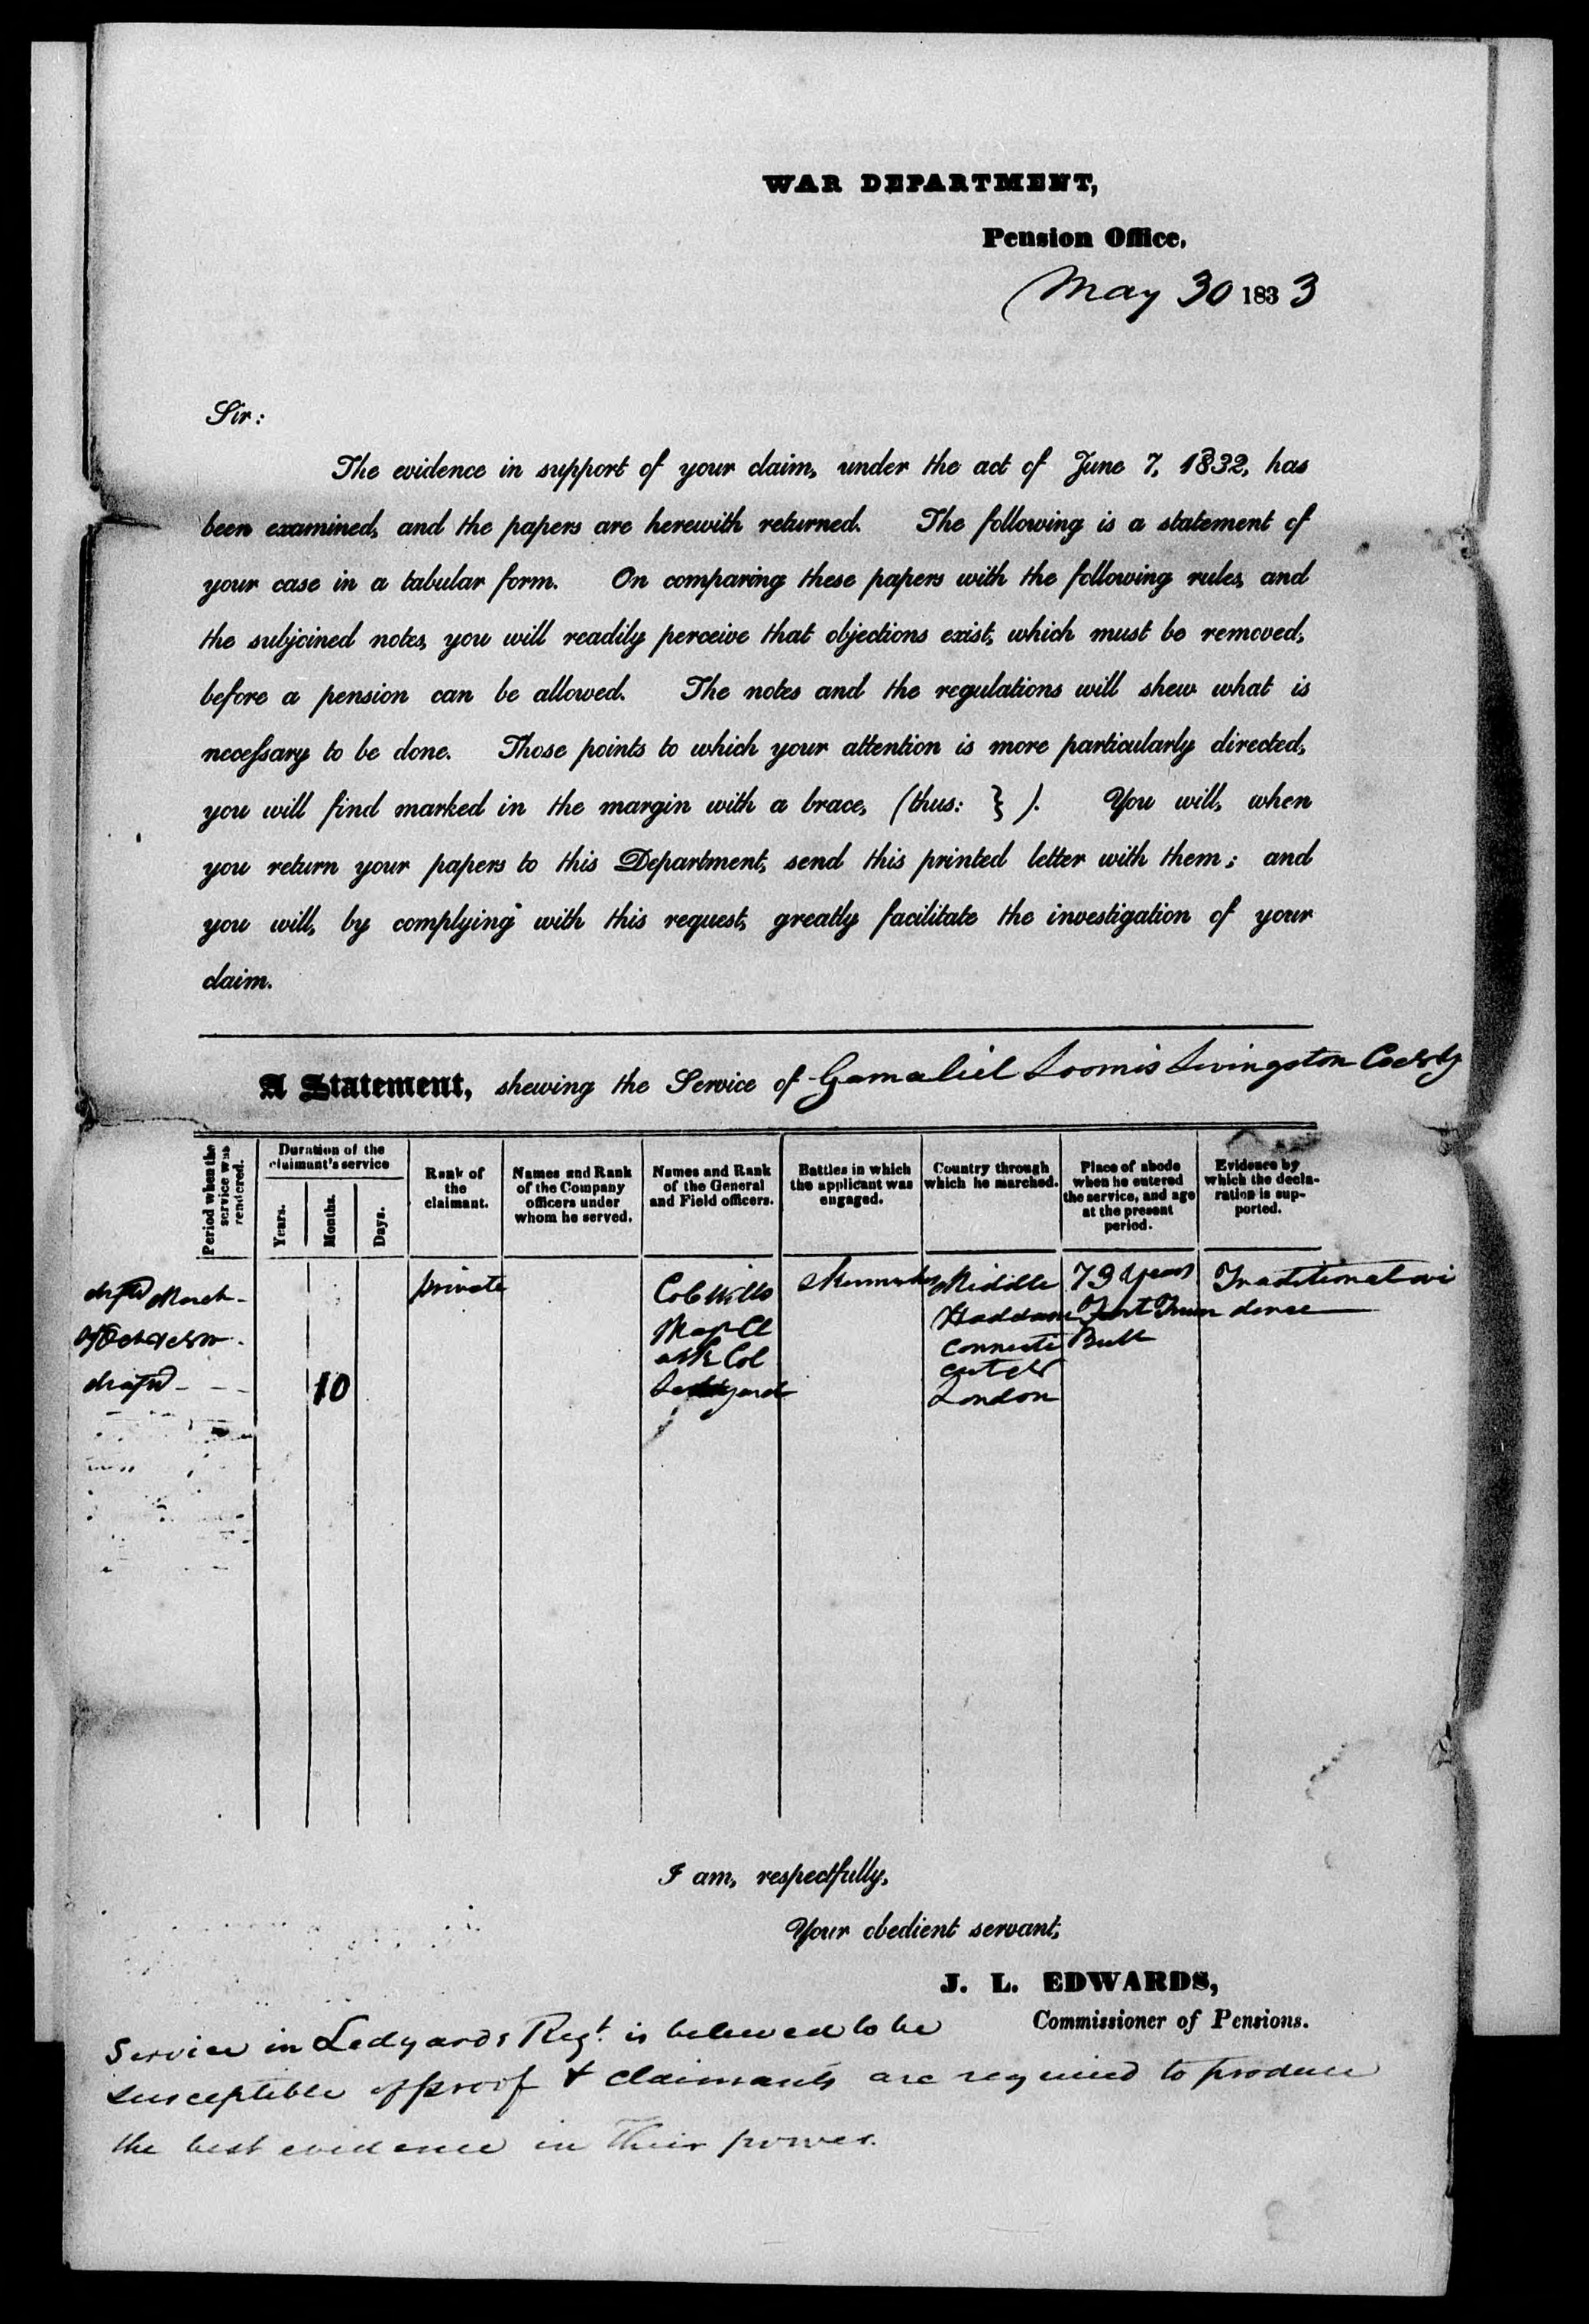WAR DEPARTMENT,
Pension Office,
May 30 1833

Sir: 
The evidence in support of your claim, under the act of June 7, 1832, has been examined, and the papers are herewith returned. The following is a statement of your case in a tabular form. On comparing these papers with the following rules, and the subjoined notes, you will readily perceive that objections exist, which must be removed, before a pension can be allowed. The notes and the regulations will show what is necessary to be done. Those points to which your attention is more particularly directed, you will find marked in the margin with a brace, (thus: }). You will, when you return your papers to this Department, send this printed letter with them; and you will, by complying with this request, greatly facilitate the investigation of your claim.

A Statement showing the Service of Gamaliel Loomis Livingston County

[column headings: Period when the service was rendered. Duration of the claimant's service. Rank of the claimant. Names and Rank of the Company officers under whom he served. Names and Rank of the General and Field Officers. Battles in which the applicant was engaged. Country through which he marched. Place of abode when he entered the service, and age at the present period. Evidence by which the declaration is supported.]

drafted March | private | Cole Wells | [illegible] | Middle Haddam Connecticut | 73 years | Traditional |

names: [BLANK] Ledyard; [BLANK] Wills; [BLANK] Clark; Gamaliel Loomis; [BLANK] Middle; [BLANK] Haddard; [BLANK] Skinnider; J L Edwards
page: 3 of 21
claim: rejected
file: R. 6444, for Gamaliel Loomis, Connecticut